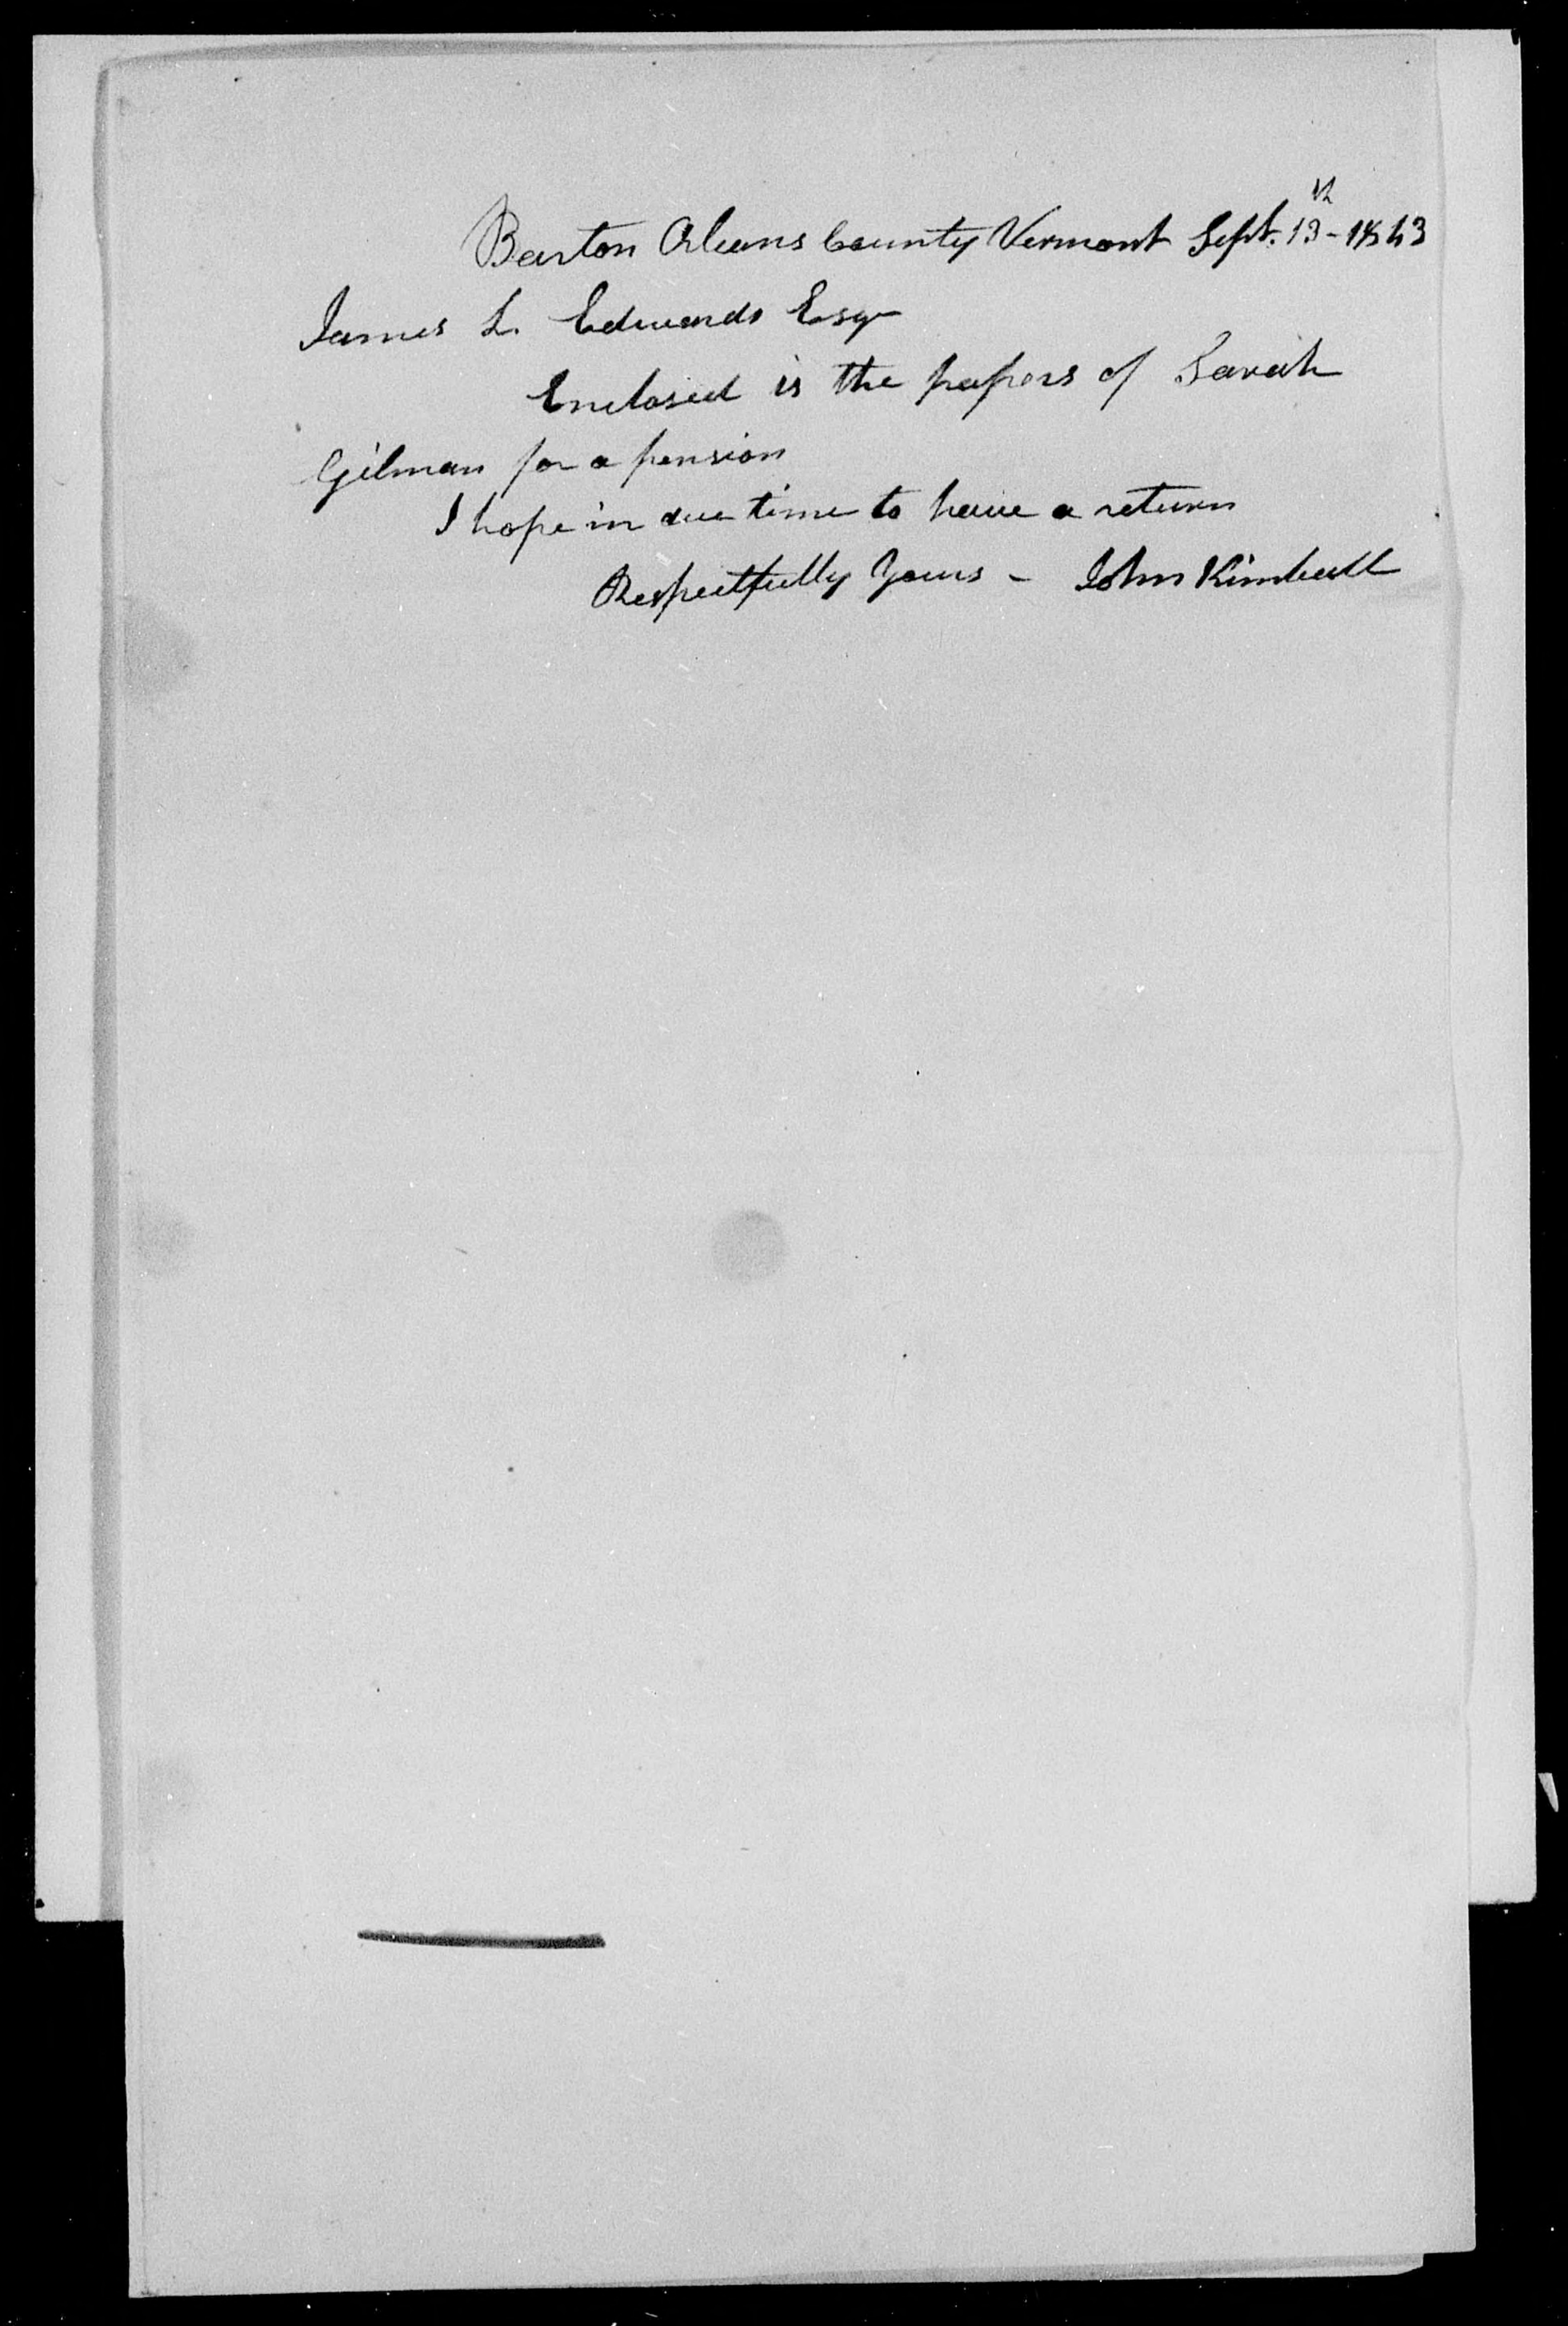Burton Orleans County Vermont Sept 13th 1843
James L. Edwards Esq
Enclosed is the papers of Sarah Gilman for a pension
I hope in due time to have a return
Respectfully Yours - 
John Kimball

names: Sarah Gilman, James L Edwards, John Kimball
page: 35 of 61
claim: widow's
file: W. 19500, Samuel Thing Gilman, Continental N.H.